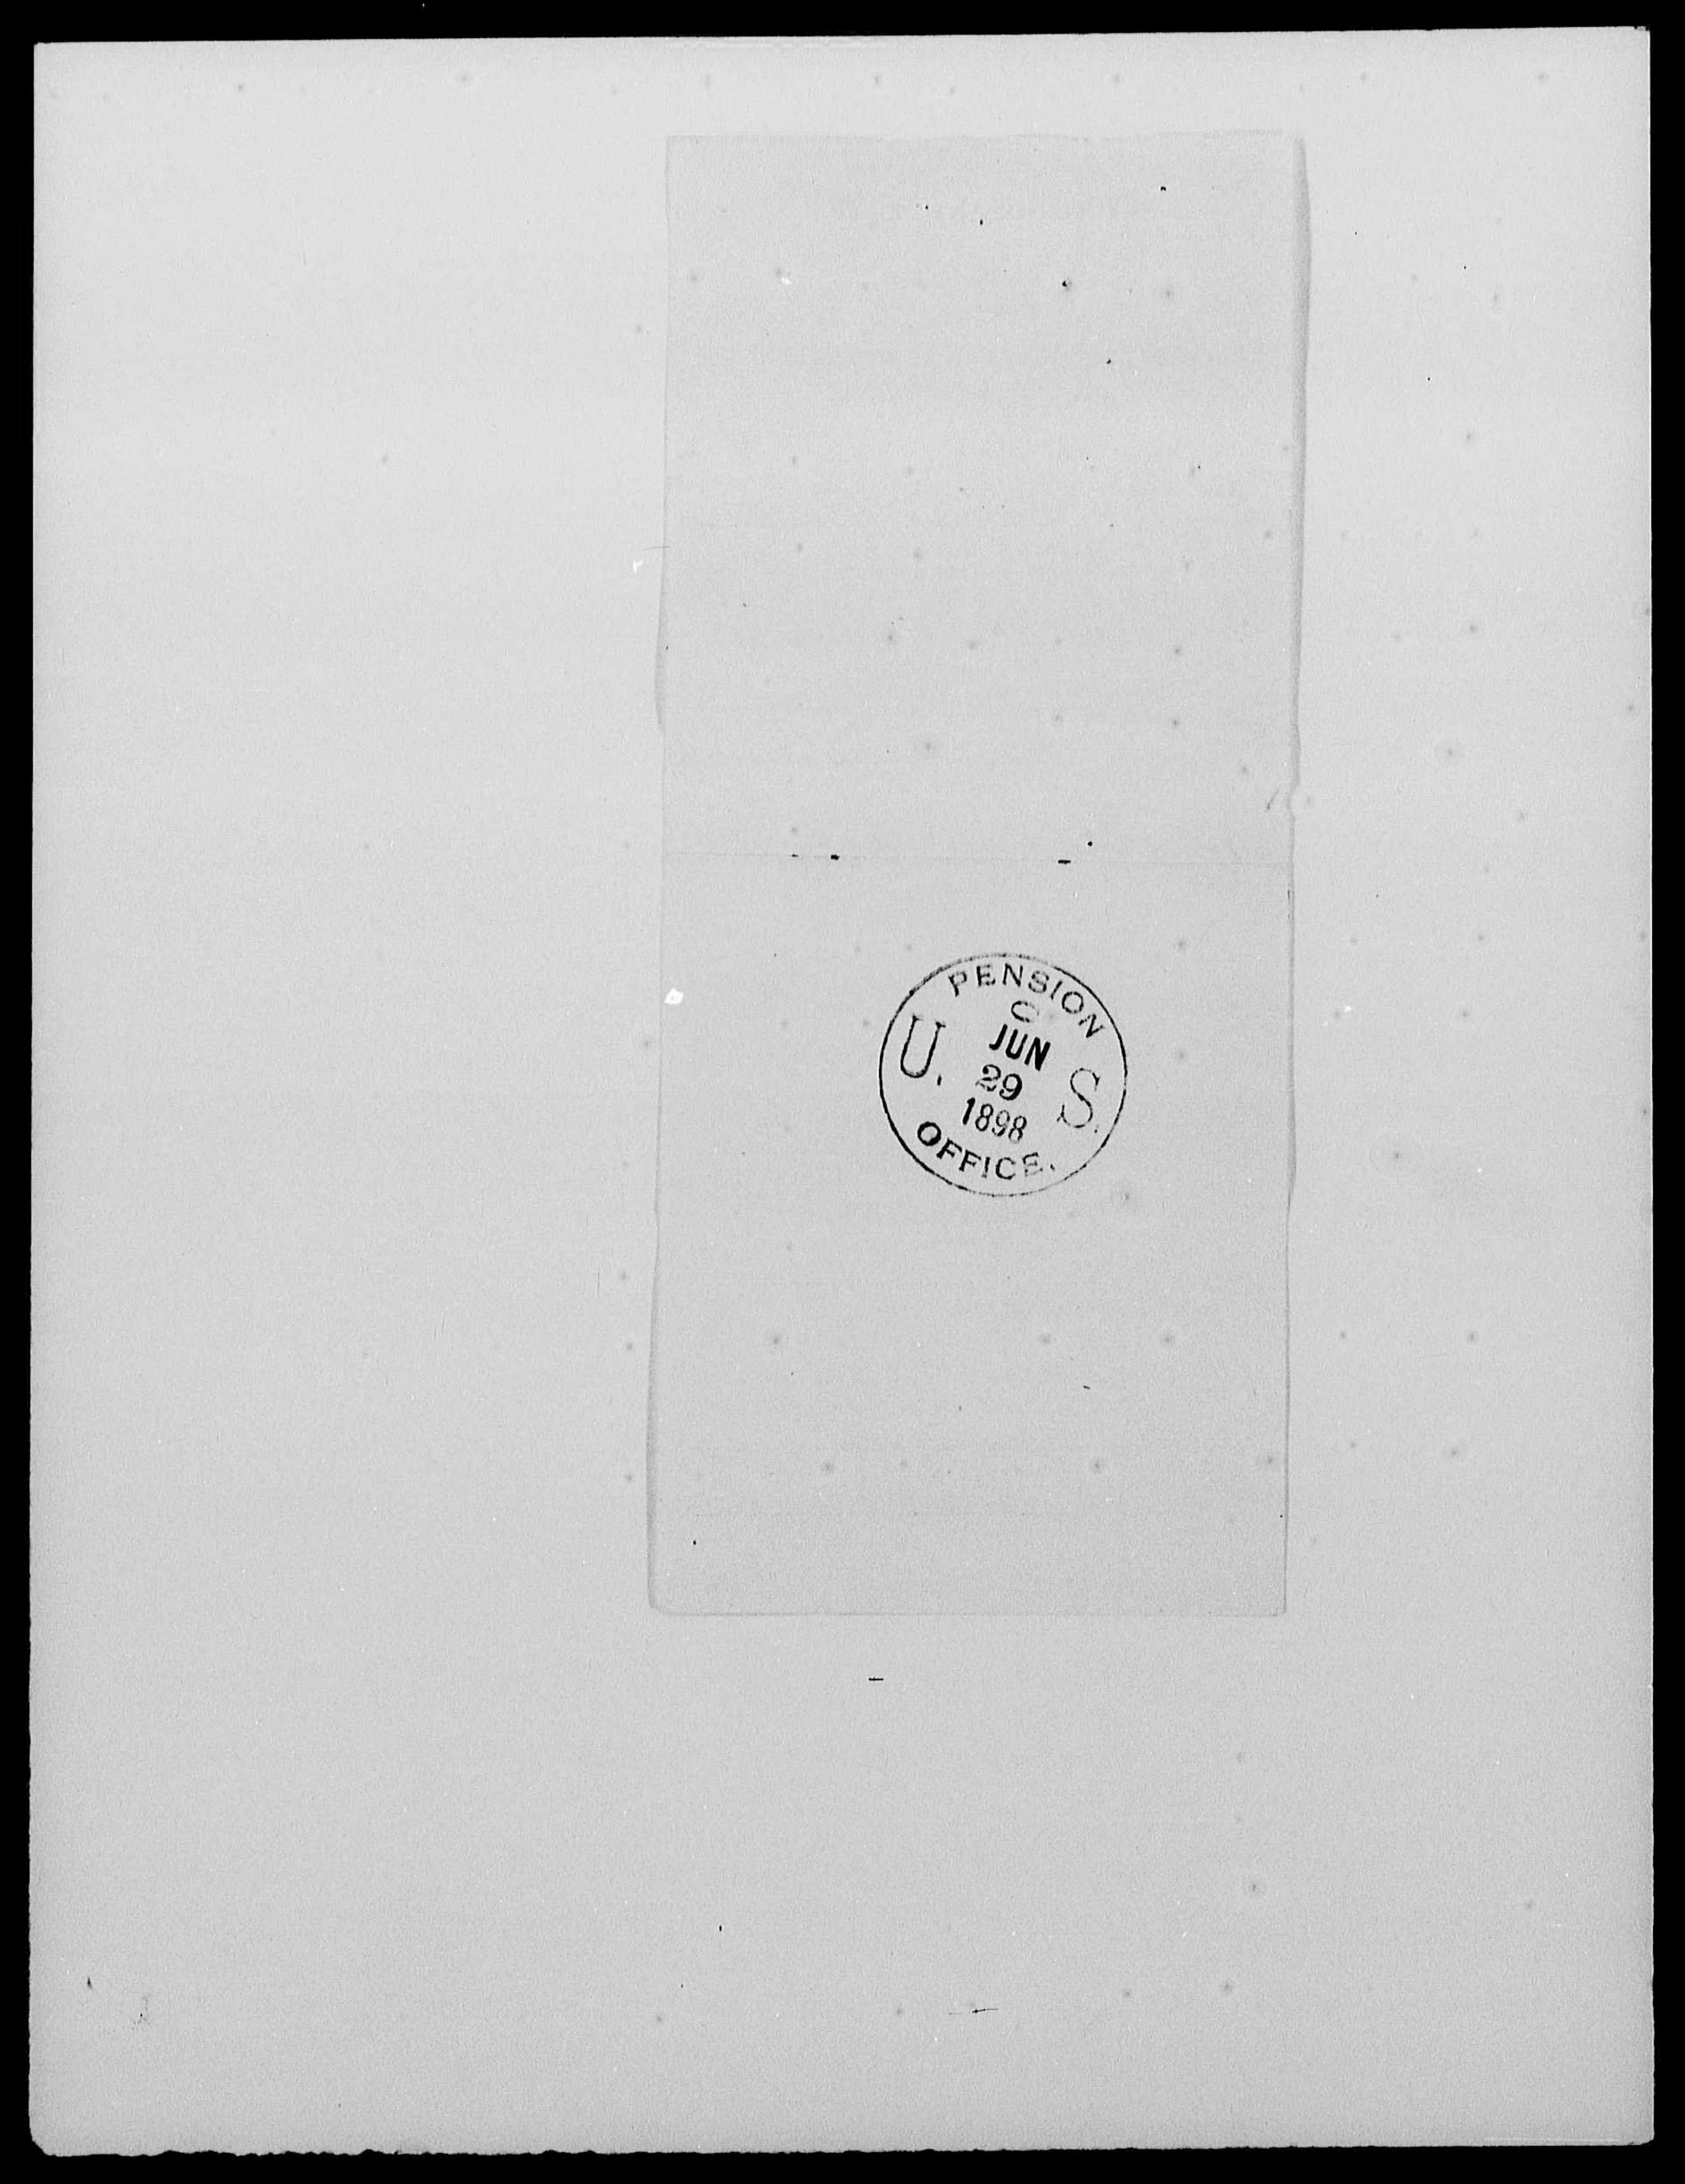[stamp]
U. S. PENSION OFFICE.
0
JUN 29 1898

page: 68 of 83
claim: widow's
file: W. 5946, John Brandon, Penn